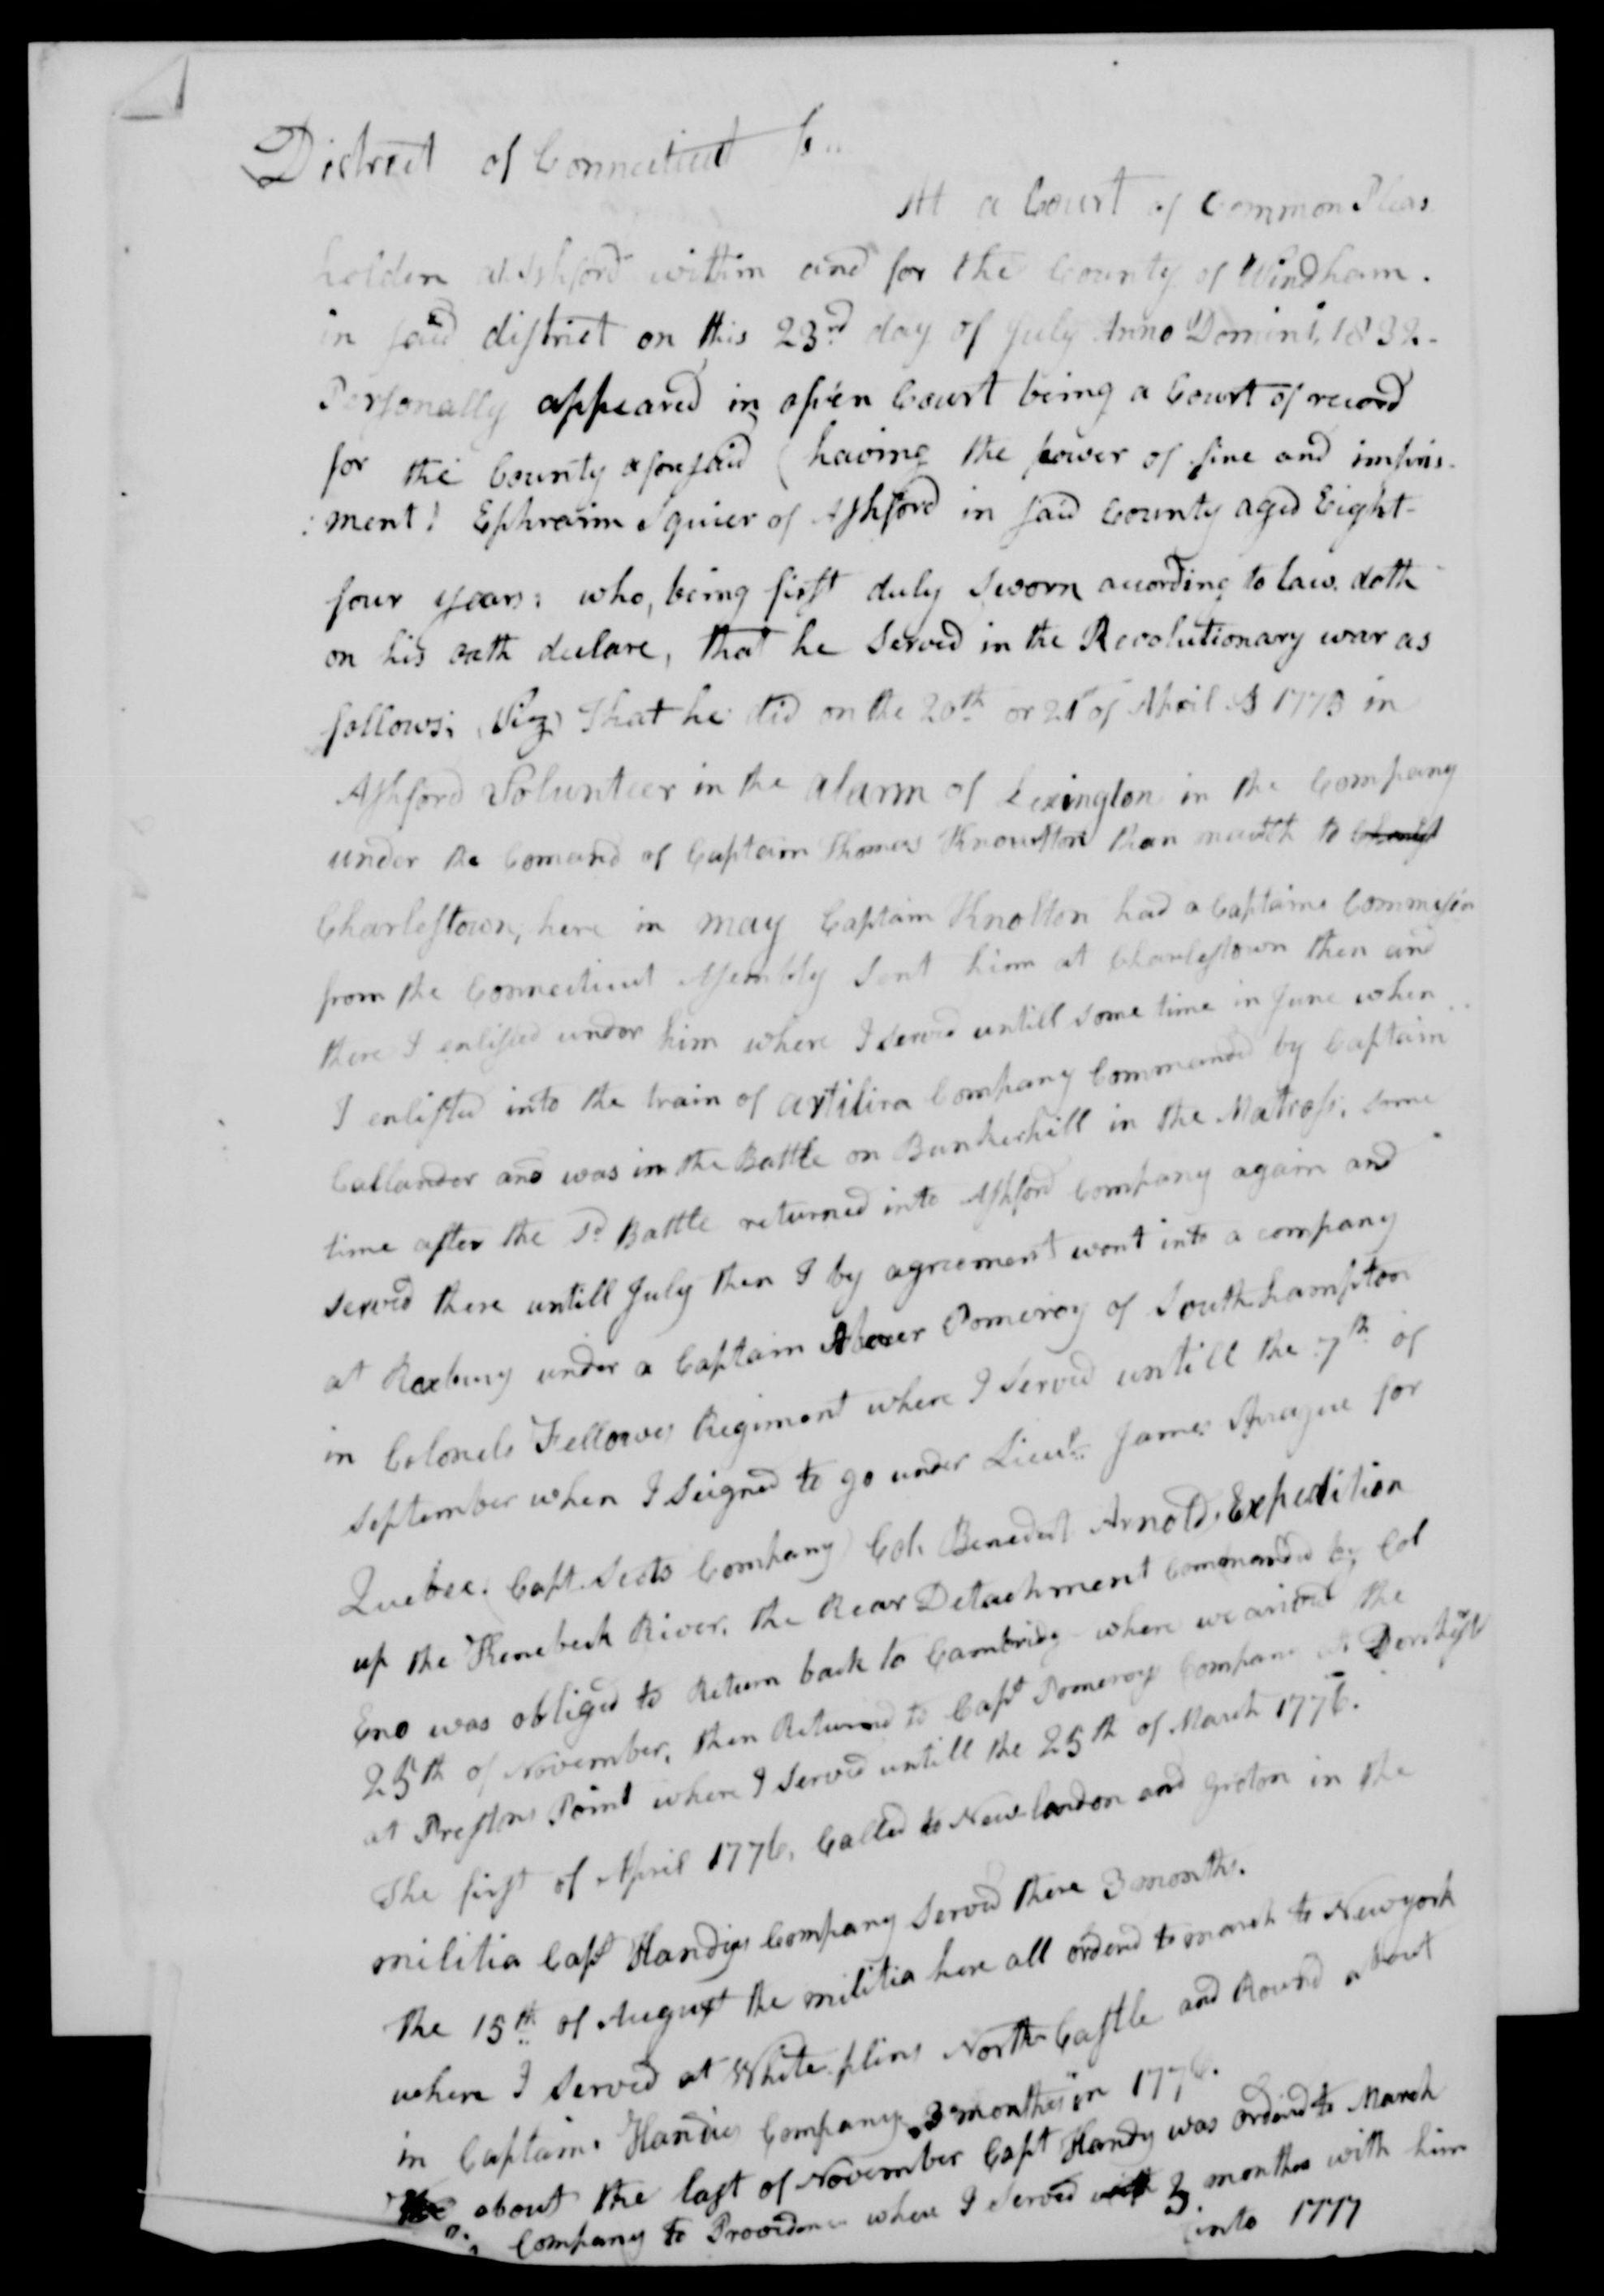District of Connecticut for  
At a Court of common pleas held in Ashford within and for the County of Winham. In said district on this 23rd day of July Anno Domini, 1832. Personally appeared in open court being a Court of record for the County aforesaid (having the lower of fine and [illegible]) Ephraim Squier of Ashford in said county aged Eighty four year, who, being first duly sworn according to law, doth on his oath declare, that he served in the Revolutionary war as follows, [illegible] That he did on the 20 or 21st of april A.D. 1775 in Asford Volunteer in the alarm of Lexington in the Company under the command of Captain Thomas Knowlton than marched to Charlestown, here in May Captain Knolton had a Captain Commission from the Connecticut Assembly sent him at Charlestown then and there I enlisted under him where I served until some time in June when I enlisted into the train of Artillery Company Commanded by Captain Collander and was in the Battle on Bunker Hill in the [illegible] some time after the said Battle returned in to Ashford Company again and served there until July then I by agreement went into a company at Roxbury under a Captain Abner Pomeroy of Southhampton in Colonel Fellows Regiiment where I served until the 7th of September when I signed to go under said James Sprague for Quebec. (Captain [illegible] Company) Col. Benedict Arnold Expedition up the Rinebeck River. The rear detachment commanded by Col. Eno was obliged to return back to Cambridge when we arrived the 25th of November, then returned to Capt. Pomeroy Company at [illegilble] at Preston Point when I served untill the 25th of March 1776. The first of April 1776, called to New London and Groton in the militia Capt. Handy's Company served there 3 months. 
The 15th of August the militia here all ordered to march to New York when I served at White Plains North Castle and round about in Captain's Handy's Company 3 months in 1776. 
[illegible] about the last of November Campt. Handy was ordered to March [illegible] Company to Providence when I served 3 months with him into 1777.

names: [BLANK] Handy; [BLANK] Knolton; James Sprague; Abner Pomeroy; Ephraim Squier; [BLANK] Eno; Thomas Knowlton; [BLANK] Callander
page: 55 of 70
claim: rejected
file: R. 10,026, for Ephraim Squier, Connecticut